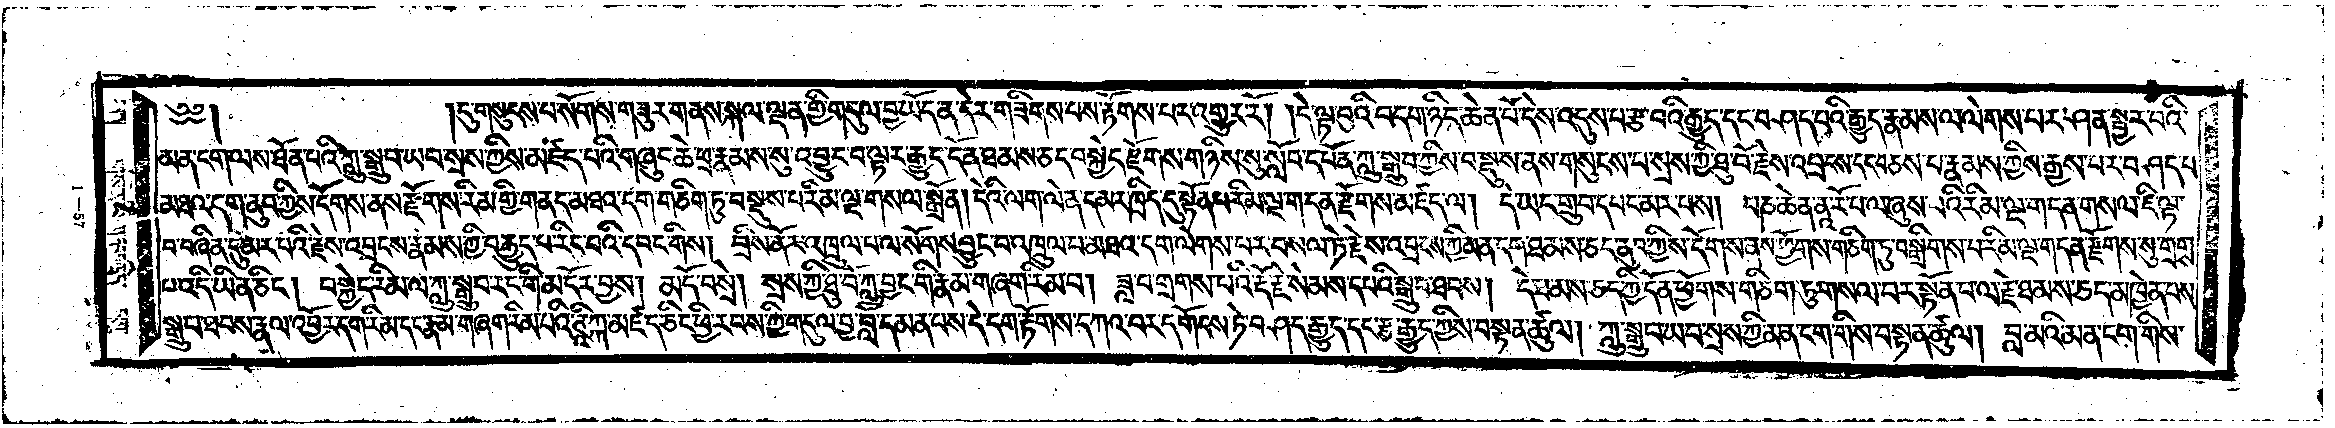༄༅། །དུ་གསུངས་པ་སོགས་གཟུར་གནས་སྐལ་ལྡན་གྱི་གདུལ་བྱ་ཡོད་ན་དེར་གཟིགས་པས་རྟོགས་པར་འགྱུར་རོ། །དེ་ལྟ་བུའི་བདག་ཉིད་ཆེན་པོ་དེས་འདུས་པ་རྩ་བའི་རྒྱུད་དང་བཤད་པའི་རྒྱུད་རྣམས་ལ་ལེགས་པར་ཤན་སྦྱར་བའི་
མན་ངག་ལས་ཐོན་པའི་ཀླུ་སྒྲུབ་ཡབ་སྲས་ཀྱིས་མཛད་པའི་གཞུང་ཆེ་ཕྲ་རྣམས་སུ་འབྱུང་བ་ལྟར་རྒྱུད་དོན་ཐམས་ཅད་བསྐྱེད་རྫོགས་གཉིས་སུ་སློབ་དཔོན་ཀླུ་སྒྲུབ་ཀྱིས་བསྡུས་ནས་གསུངས་པ་སྲས་ཀྱི་ཐུ་བོ་རྗེས་འབྲངས་དང་བཅས་པ་རྣམས་ཀྱིས་རྒྱས་པར་བཤད་པ་
མཐའ་དག་ནུབ་ཀྱིས་དོགས་ནས་རྫོགས་རིམ་གྱི་གནད་མཐའ་དག་གཅིག་ཏུ་བསྡུས་པ་རིམ་ལྔ་གསལ་སྒྲོན། དེའི་ལག་ལེན་དམར་ཁྲིད་དུ་སྟོན་པ་རིམ་ལྔ་གདན་རྫོགས་མཛད་ལ། དེ་ཡང་གྲུབ་དབང་མར་པས། པཎ་ཆེན་ནཱ་རོ་པ་ལ་ཞུས་པའི་རིམ་ལྔ་གདན་གསལ་ཇི་ལྟ་
བ་བཞིན་དུ་མར་པའི་རྗེས་འབྲངས་རྣམས་ཀྱི་བརྒྱུད་པ་རིང་བའི་དབང་གིས། བྲིས་ནོར་འཁྲུལ་པ་ལ་སོགས་བྱུང་བ་འཁྲུལ་པ་མཐའ་དག་ལེགས་པར་བསལ་ཏེ་རྗེས་འབྲངས་ཀྱི་མན་ངག་ཐམས་ཅད་ནུབ་ཀྱིས་དོགས་ནས་ཕྱོགས་གཅིག་ཏུ་བསྒྲུབས་པ་རིམ་ལྔ་གདན་རྫོགས་སུ་གྲགས་
པ་འདི་ཡིན་ཅིང་། བསྐྱེད་རིམ་ལ་ཀླུ་སྒྲུབ་རང་གི་མདོར་བྱས། མདོ་བསྲེ། སྲས་ཀྱི་ཐུ་བོ་ཀླུ་བྱང་གི་རྣམ་གཞག་རིམ་པ། ཟླ་བ་གྲགས་པའི་རྡོ་རྗེ་སེམས་དཔའི་སྒྲུབ་ཐབས། དེ་ཐམས་ཅད་ཀྱི་དོན་ཕྱོགས་གཅིག་ཏུ་གསལ་བར་སྟོན་པ་ལ་རྗེ་ཐམས་ཅད་མཁྱེན་པས་
སྒྲུབ་ཐབས་རྣལ་འབྱོར་དག་རིམ་དང་རྣམ་གཞག་རིམ་པའི་ཊཱིཀྐ་མཛད་ཅིང་ཕྱི་རབས་ཀྱི་གདུལ་བྱ་བློ་དམན་པས་དེ་དག་རྟོགས་དཀའ་བར་དགོངས་ཏེ་བཤད་རྒྱུད་དང་རྩ་རྒྱུད་ཀྱིས་བསྟན་ཚུལ། ཀླུ་སྒྲུབ་ཡབ་སྲས་ཀྱི་མན་ངག་གིས་བསྟན་ཚུལ། བླ་མའི་མན་ངག་གིས་